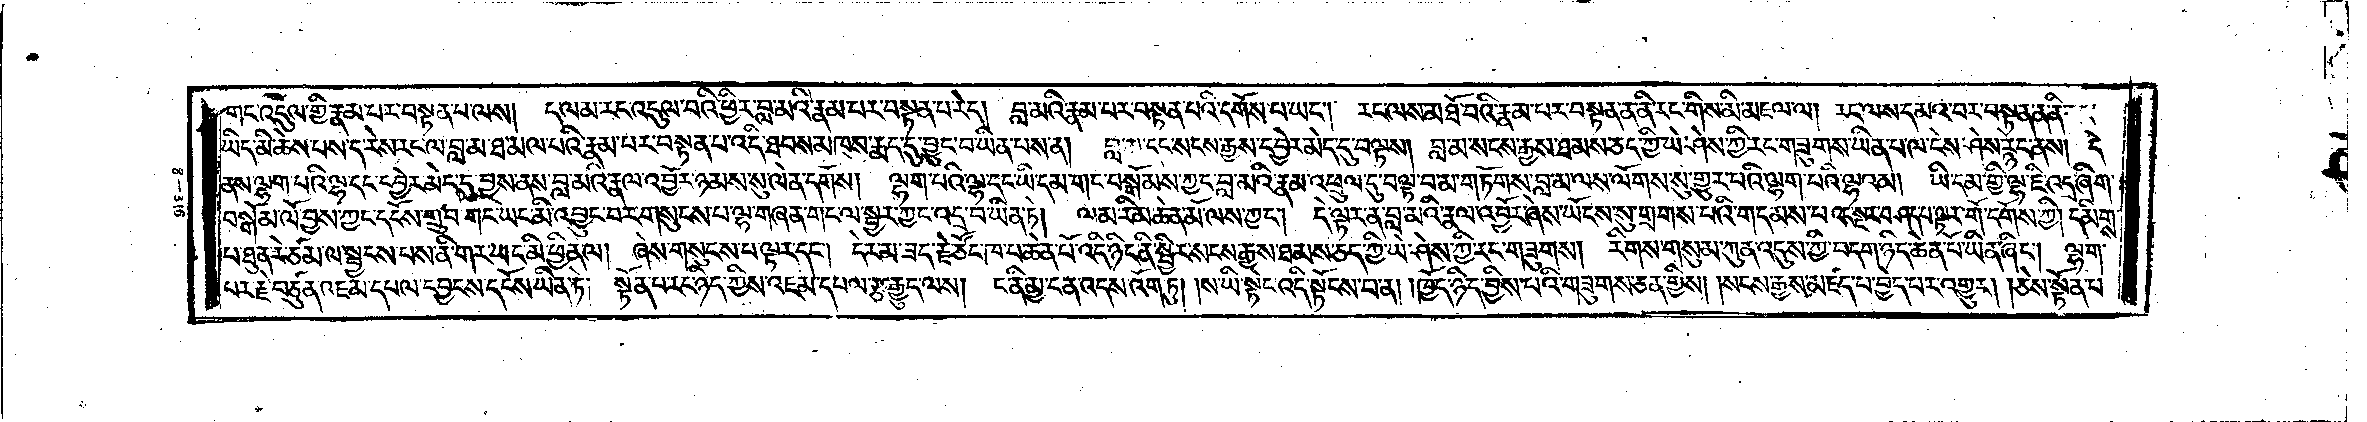གང་འདུལ་གྱི་རྣམ་པར་བསྟན་པ་ལས། ད་ལམ་རང་འདུལ་བའི་ཕྱིར་བླ་མའི་རྣམ་པར་བསྟན་པ་རེད། བླ་མའི་རྣམ་པར་བསྟན་པའི་དགོས་པ་ཡང་། རང་ལས་མཐོ་བའི་རྣམ་པར་བསྟན་ན་ནི་རང་གིས་མི་མཇལ་ལ། རང་ལས་དམའ་བར་བསྟན་ན་ནི་རང་
ཡིད་མི་ཆེས་པས་ད་རེས་རང་ལ་བླ་མ་ཐ་མལ་པའི་རྣམ་པར་བསྟན་པ་འདི་ཐབས་མཁས་རྨད་དུ་བྱུང་བ་ཡིན་པས་ན། བླ་མ་དང་སངས་རྒྱས་དབྱེར་མེད་དུ་བལྟས། བླ་མ་སངས་རྒྱས་ཐམས་ཅད་ཀྱི་ཡེ་ཤེས་ཀྱི་རང་གཟུགས་ཡིན་པ་ལ་ངེས་ཤེས་རྙེད་ནས། དེ་
ནས་ལྷག་པའི་ལྷ་དང་དབྱེར་མེད་དུ་བྱས་ནས་བླ་མའི་རྣལ་འབྱོར་ཉམས་སུ་ལེན་དགོས། ལྷག་པའི་ལྷ་དང་ཡི་དམ་གང་བསྒོམས་ཀྱང་བླ་མའི་རྣམ་འཕྲུལ་དུ་བལྟ་བ་མ་གཏོགས་བླ་མ་ལས་ལོགས་སུ་གྱུར་པའི་ལྷག་པའི་ལྷའམ། ཡི་དམ་གྱི་ལྷ་ཇི་འདྲ་ཞིག་
བསྒོམ་ལོ་བྱས་ཀྱང་དངོས་གྲུབ་གང་ཡང་མི་འབྱུང་བར་གསུངས་པ་ལྷ་གཞན་གང་ལ་སྦྱར་ཀྱང་འདྲ་བ་ཡིན་ཏེ། ལམ་རིམ་ཆེན་མོ་ལས་ཀྱང་། དེ་ལྟར་ན་བླ་མའི་རྣལ་འབྱོར་ཞེས་ཡོངས་སུ་གྲགས་པའི་གདམས་པ་དང་སྔར་བཤད་པ་ལྟར་གོ་དགོས་ཀྱི། དམིགས་
པ་ཐུན་རེ་ཙམ་ལ་སྦྱངས་པས་ནི་གར་ཡང་མི་ཕྱིན་ལ། ཞེས་གསུངས་པ་ལྟར་དང་། དེར་མ་ཟད་རྗེ་ཙོང་ཁ་པ་ཆེན་པོ་འདི་ཉིད་ནི་སྤྱིར་སངས་རྒྱས་ཐམས་ཅད་ཀྱི་ཡེ་ཤེས་ཀྱི་རང་གཟུགས། རིགས་གསུམ་ཀུན་འདུས་ཀྱི་བདག་ཉིད་ཆེན་པོ་ཡིན་ཞིང་། ལྷག་
པར་རྗེ་བཙུན་འཇམ་དཔལ་དབྱངས་དངོས་ཡིན་ཏེ། སྟོན་པ་རང་ཉིད་ཀྱིས་འཇམ་དཔལ་རྩ་རྒྱུད་ལས། ང་ནི་མྱ་ངན་འདས་འོག་ཏུ། །ས་ཡི་སྟེང་འདི་སྟོངས་པ་ན། །ཁྱོད་ཉིད་བྱིས་པའི་གཟུགས་ཅན་གྱིས། །སངས་རྒྱས་མཛད་པ་བྱེད་པར་འགྱུར། །ཅེས་སྟོན་པ་